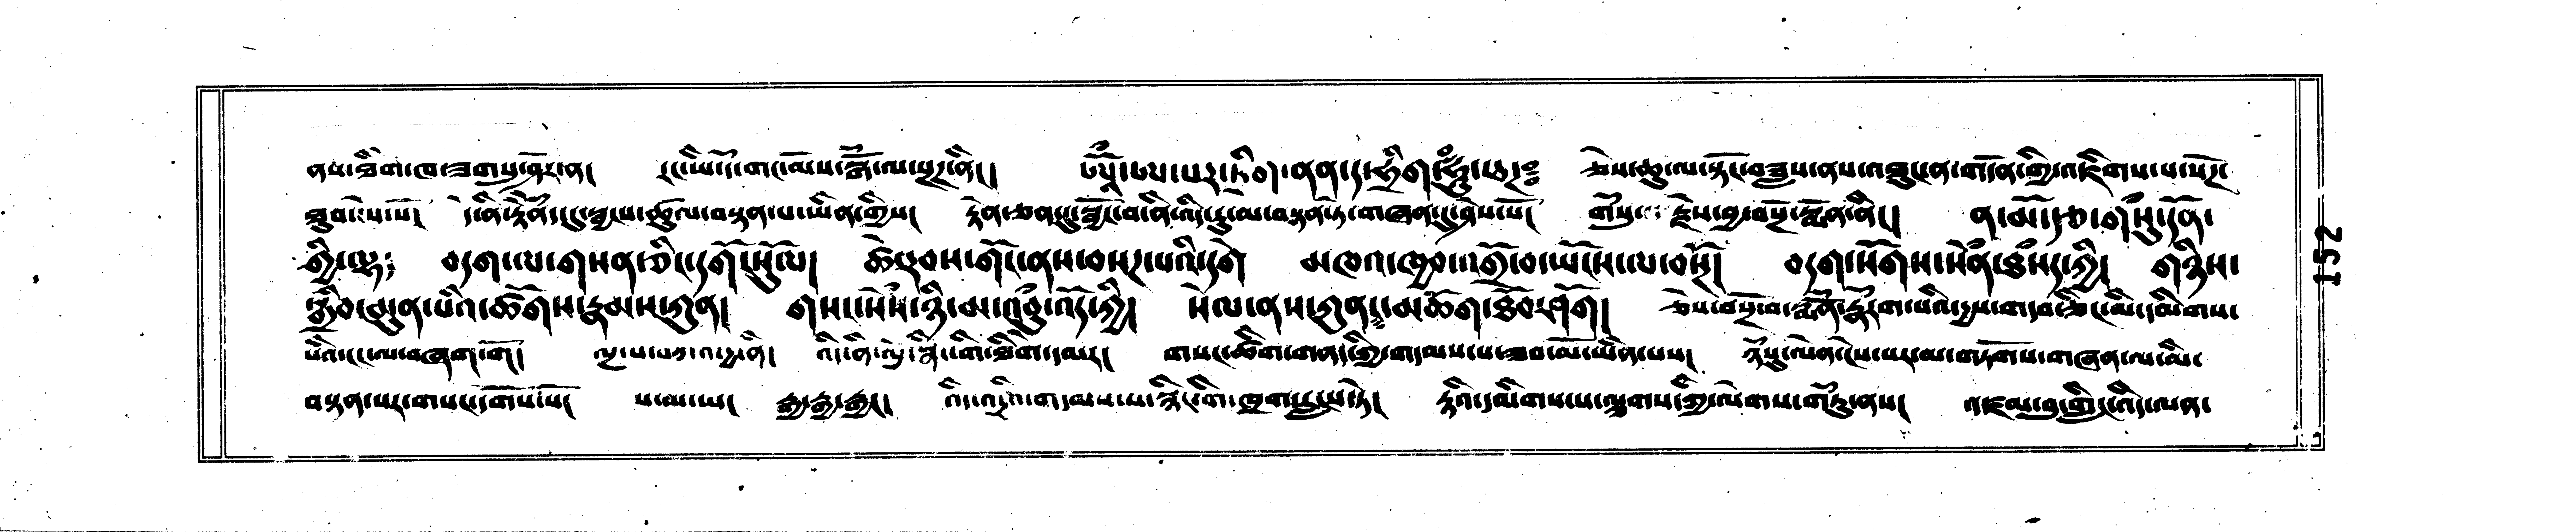ནས་ཐིག་ལེ་ཁ་ཟགས་སུ་ཤོར་ན། རང་ཡིད་དམ་གང་མོས་བསྒོམས་ལ། སྔགས་ནི། ཨཱོྂ་ཨ་པར་ཏྲིག་ནན་ད་ཧྲིག་ཧཱུཾ་ཕཊཿ ཅེས་ཆུ་ལ་སྟོང་བཟླས་ནས་འཐུང་ན་གདོན་གྱི་འཇིགས་པ་སོགས་
ཐུབ་ངེས་སོ། དེ་ནི་རྟེན་མེད་དུ་སྦྱང་ཚུལ་བསྟན་པ་ཡིན་གྱི། རྟེན་ཅན་དུ་སྦྱོང་བ་ནི་འདི་རུ་མ་བསྟན་ཏེ་གཞན་དུ་ཤེས་སོ། །གསུམ་པ་རྗེས་བྱ་བསྔོ་སྨོན་ནི། ན་མོ་རྩ་གསུམ་དོན་
གྱི་ལྷ། །བདག་ལ་གསན་ཅིང་དགོངས་སུ་གསོལ། །ཚེ་རབས་གོང་ནས་བསགས་པའི་དགེ །མཁའ་ཁྱབ་འགྲོ་བ་ཡོངས་ལ་བསྔོ། །བདག་སོགས་སེམས་ཅན་ཐམས་ཅད་ཀྱི། །གཉིས་
སྒྲིབ་མུན་པའི་ཚོགས་རྣམས་ཀུན། །གསང་སེམས་ཉི་མ་འབུམ་འོད་ཀྱིས། །སེལ་ནས་ཀུན་བཟང་མཆོག་ཐོབ་ཤོག །ཅེས་བསྔོ་བ་སྨོན་ལམ་རྣམ་པར་དག་པའི་རྒྱས་གདབ་ཅིང་མི་དམིགས་
པའི་ངང་ལ་བཞག་གོ །ལྔ་པ་བཀའ་རྒྱ་ནི། འདི་ནི་མཁའ་འགྲོ་སྙིང་གི་ཐིག་ལེ་དམར། །གསང་ཚིག་གནད་ཀྱི་གདམ་པ་ཟབ་མོ་ཡིན་པས། ཉམས་སུ་ལེན་ངེས་པར་མ་གཏོགས་གཞན་ལ་མི་
བསྟན་པར་གསང་དགོས་སོ། །ས་མ་ཡ། རྒྱ་རྒྱ་རྒྱ། འདི་འདྲའི་གདམས་པ་སྙིང་གི་ཁྲག་བླངས་ཏེ། །རྟའི་དམིགས་པ་ལྕགས་ཀྱིས་ལེགས་བཏུམ་ནས། །འཛམ་བུ་གླིང་འདི་ལན་